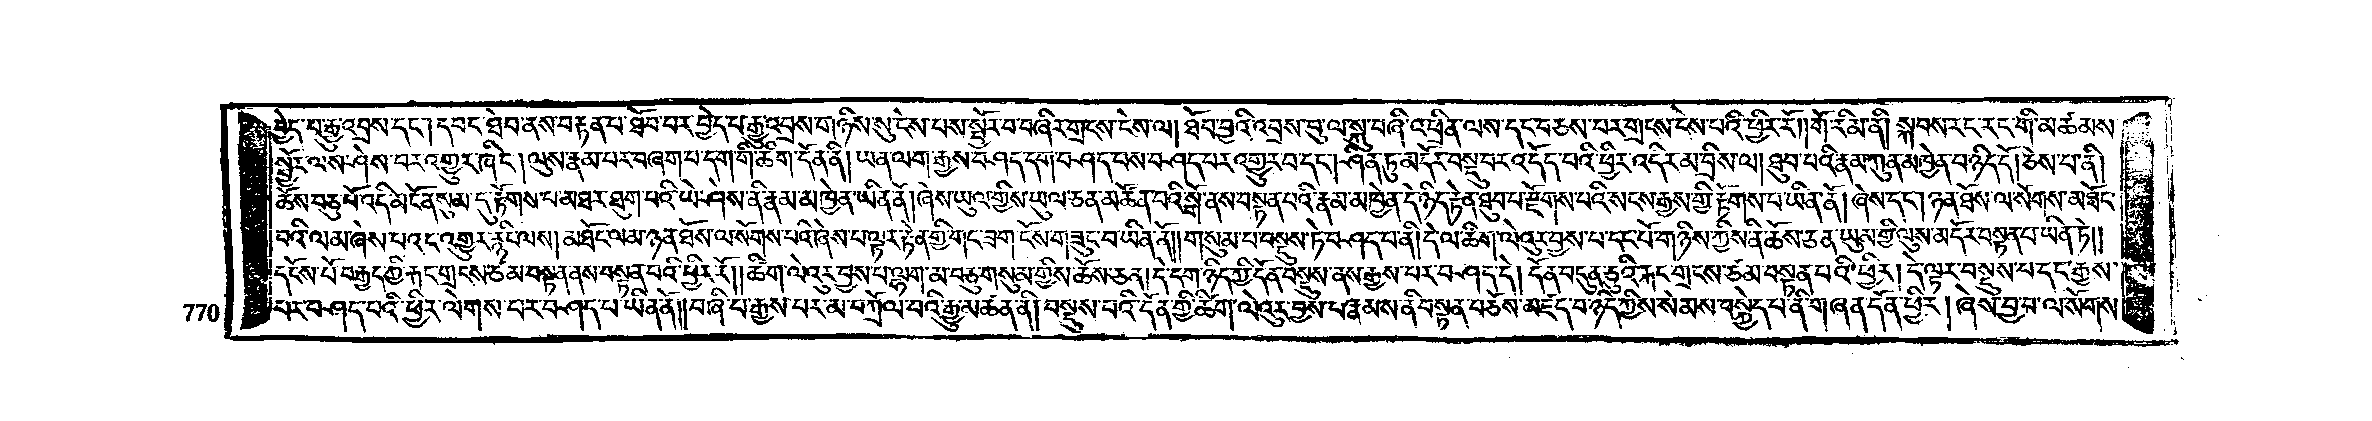བྱེད་པ་རྒྱུ་འབྲས་དང་། དབང་ཐེབ་ནས་བརྟན་པ་ཐོབ་པར་བྱེད་པ་རྒྱུ་འབྲས་གཉིས་སུ་ངེས་པས་སྦྱོར་བ་བཞིར་གྲངས་ངེས་ལ། ཐོབ་བྱའི་འབྲས་བུ་ལ་སྐུ་བཞི་འཕྲིན་ལས་དང་བཅས་པར་གྲངས་ངེས་པའི་ཕྱིར་རོ། །གོ་རིམ་ནི། སྐབས་རང་རང་གི་མཚམས་
སྦྱོར་ལས་ཤེས་པར་འགྱུར་ཞིང་། ལུས་རྣམ་པར་བཞག་པ་དག་གི་ཚིག་དོན་ནི། ཡན་ལག་རྒྱས་བཤད་དག་བཤད་པས་བཤད་པར་འགྱུར་བ་དང་། ཤིན་ཏུ་མདོར་བསྡུ་བར་འདོད་པའི་ཕྱིར་འདིར་མ་བྲིས་ལ། ཐུབ་པའི་རྣམ་ཀུན་མཁྱེན་པ་ཉིད་དོ། ཅེས་པ་ནི།
ཆོས་བཅུ་པོ་འདི་མངོན་སུམ་དུ་རྟོགས་པ་མཐར་ཐུག་པའི་ཡེ་ཤེས་ནི་རྣམ་མཁྱེན་ཡིན་ནོ། ཞེས་ཡུལ་གྱིས་ཡུལ་ཅན་མཚོན་པའི་སྒོ་ནས་བསྟན་པའི་རྣམ་མཁྱེན་དེ་ཉིད་རྟེན་ཐུབ་པ་རྫོགས་པའི་སངས་རྒྱས་ཀྱི་རྟོགས་པ་ཡིན་ནོ། ཞེས་དང་། ཉན་ཐོས་ལ་སོགས་མ་མཐོང་
བའི་ལམ་ཞེས་པའང་འགྱུར་རྙིང་ལས། མཐོང་ལམ་ཉན་ཐོས་ལ་སོགས་པའི་ཞེས་པ་ལྟར་རྟེན་གྱི་གང་ཟག་ངོས་གཟུང་བ་ཡིན་ནོ། །གསུམ་པ་བསྡུས་ཏེ་བཤད་པ་ནི། དེ་ལ་ཚིག་ལེའུར་བྱས་པ་དང་པོ་གཉིས་ཀྱི་ནི་ཆོས་ཅན་ཡུམ་གྱི་ལུས་མདོར་བསྟན་པ་ཡིན་ཏེ། །
དངོས་པོ་བརྒྱད་ཀྱི་རྐང་གྲངས་ཙམ་བསྟན་ནས་བསྟན་པའི་ཕྱིར་རོ། །ཚིག་ལེའུར་བྱས་པ་ལྷག་མ་བཅུ་གསུམ་གྱིས་ཆོས་ཅན། དེ་དག་ཉིད་ཀྱི་དོན་བསྡུས་ནས་རྒྱས་པར་བཤད་དེ། དོན་བདུན་ཅུའི་རྐང་གྲངས་ཙམ་བསྟན་པའི་ཕྱིར། དེ་ལྟར་བསྡུས་པ་དང་རྒྱས་
པར་བཤད་པའི་ཕྱིར་ལེགས་པར་བཤད་པ་ཡིན་ནོ། །བཞི་པ་རྒྱས་པར་མ་བཀྲོལ་བའི་རྒྱུ་མཚན་ནི། བསྡུས་པའི་དོན་གྱི་ཚིག་ལེའུར་བྱས་པ་རྣམས་ནི་བསྟན་བཅོས་མཛད་པ་ཉིད་ཀྱིས་སེམས་བསྐྱེད་པ་ནི་གཞན་དོན་ཕྱིར། ཞེས་བྱ་བ་ལ་སོགས་